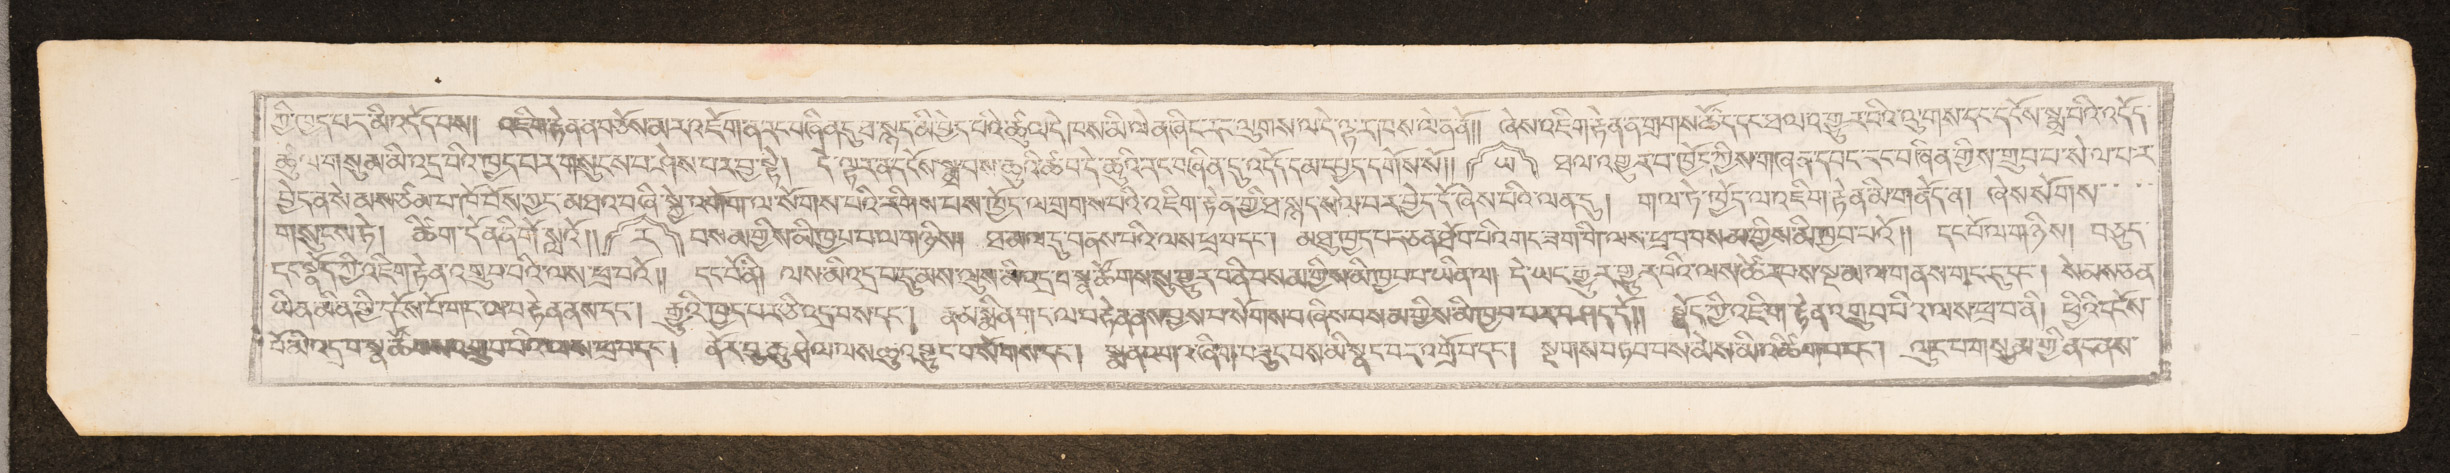ཀྱི་ཁྱད་པར་མི་འདོད་པས། འཇིག་རྟེན་ན་བཅོས་མར་འཇོག་ན་རང་བཞིན་དུ་ཐ་སྙད་མི་བྱེད་པའི་ཚུལ་དེ་ཁས་མི་ལེན་ཞིང་རང་ལུགས་ལ་དེ་ལྟར་ཁས་ལེན་ནོ།། ཞེས་འཇིག་རྟེན་ན་གྲགས་ཚོད་དེ་དང་ཐལ་འགྱུར་བའི་ལུགས་དང་དངོས་སྨྲ་བའི་འདོད་
ཚུལ་གསུམ་མི་འདྲ་བའི་ཁྱད་པར་གསུངས་པ་ཤེས་པར་བྱ་སྟེ། དེ་ལྟར་ན་དངོས་སྨྲ་བས་ཆུའི་ཚ་བ་དེ་ཆུའི་རང་བཞིན་དུ་འདོད་དམ་དཔྱད་དགོས་སོ།། ༼༽ཡ༼༽ ཐལ་འགྱུར་བ་ཁྱོད་ཀྱིས་གཞན་དབང་རང་བཞིན་གྱིས་གྲུབ་པ་སེ་ལ་པར་
བྱེད་ན་སེམས་ཙམ་པ་ཁོ་བོས་ཀྱང་མཐའ་བཞི་སྐྱེ་འགོག་ལ་སོགས་པའི་རིགས་པས་ཁྱོད་ལ་གྲགས་པའི་འཇིག་རྟེན་གྱི་ཐ་སྙད་སེལ་བར་བྱེད་དོ་ཞེས་པའི་ལན་དུ། གལ་ཏེ་ཁྱོད་ལ་འཇིག་རྟེན་མི་གནོད་ན། ཞེས་སོགས་
གསུངས་ཏེ། ཚིག་དོན་ནི་གོ་སླའོ།། ༼༽ར༼༽ བསམ་གྱིས་མི་ཁྱད་པ་ལ་གཉིས། ཐ་མལ་དུ་གནས་པའི་ལས་ཕྲ་བ་དང་། མཐུ་ཁྱད་པར་ཅན་ཐོབ་པའི་གང་ཟག་གི་ལས་ཕྲ་བ་བསམ་གྱིས་མི་ཁྱབ་པའོ།། དང་པོ་ལ་གཉིས། བཅུད་
དང་སྣོད་ཀྱི་འཇིག་རྟེན་འགྲུབ་པའི་ལས་ཕྲ་བའོ།། དང་པོ་ནི། ལས་མི་འདྲ་བ་དུ་མས་ལུས་མི་འདྲ་བ་སྣ་ཚོགས་སུ་གྱུར་བ་ནི་བསམ་གྱིས་མི་ཁྱབ་པ་ཡིན་ལ། དེ་ཡང་རྒྱུར་གྱུར་བའི་ལས་ཚེ་རབས་སྔ་མ་ལ་གནས་གང་དུ་དང་། སེམས་ཅན་
ཡིན་མིན་གྱི་དངོས་པོ་གང་ལ་བརྟེན་ནས་དང་། རྒྱུའི་ཁྱད་པར་ཅི་འདྲ་བས་དང་། རྣམ་སྨིན་གང་ལ་བརྟེན་ནས་བྱས་པ་སོགས་པ་ཞིས་བསམ་གྱིས་མི་ཁྱབ་པར་བཤད་དོ།། སྣོད་ཀྱི་འཇིག་རྟེན་འགྲུབ་པའི་ལས་ཕྲ་བ་ནི། ཕྱིའི་དངོས་
པོ་མི་འདྲ་བ་སྣ་ཚོགས་འགྲུབ་པའི་ལས་ཕྲ་བ་དང་། ནོར་བུ་ཆུ་ཤེལ་ལས་ཆུ་འབྱུང་བ་སོགས་དང་། སྨན་འགའ་ཞིག་བཟུང་བས་མི་སྣང་བར་འགྲོ་བ་དང་། སྔགས་བཏབ་པས་མེས་མི་འཚིག་པ་དང་། ལུང་པ་གསུམ་གྱི་ནང་ནས་